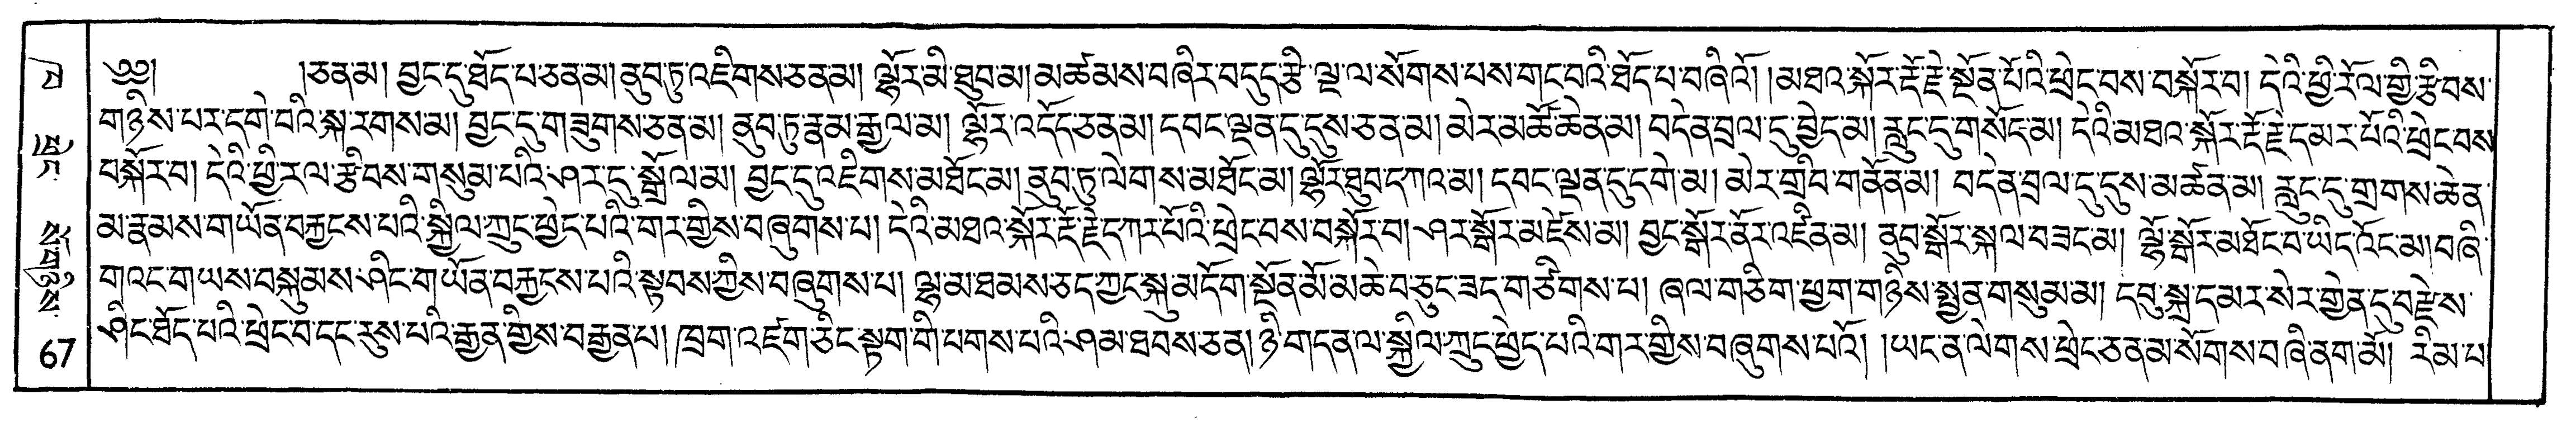༄༅། །ཅན་མ། བྱང་དུ་ཐོད་པ་ཅན་མ། ནུབ་ཏུ་འཇིགས་ཅན་མ། ལྷོར་མི་ཐུབ་མ། མཚམས་བཞིར་བདུད་རྩི་ལྔ་ལ་སོགས་པས་གང་བའི་ཐོད་པ་བཞིའོ། །མཐའ་སྐོར་རྡོ་རྗེ་སྔོན་པོའི་ཕྲེང་བས་བསྐོར་བ། དེའི་ཕྱི་རོལ་གྱི་རྩིབས་
གཉིས་པར་དགེ་བའི་སྐ་རགས་མ། བྱང་དུ་གཟུགས་ཅན་མ། ནུབ་ཏུ་རྣམ་རྒྱལ་མ། ལྷོར་འདོད་ཅན་མ། དབང་ལྡན་དུ་དུས་ཅན་མ། མེར་མཚོ་ཆེན་མ། བདེན་བྲལ་དུ་བྱེད་མ། རླུང་དུ་གསོད་མ། དེའི་མཐའ་སྐོར་རྡོ་རྗེ་དམར་པོའི་ཕྲེང་བས་
བསྐོར་བ། དེའི་ཕྱི་རལ་རྩིབས་གསུམ་པའི་ཤར་དུ་སྒྲོལ་མ། བྱང་དུ་འཇིགས་མཐོང་མ། ནུབ་ཏུ་ལེགས་མཐོང་མ། ལྷོར་ཐུབ་དཀའ་མ། དབང་ལྡན་དུ་དགེ་མ། མེར་གྲིབ་གནོན་མ། བདེན་བྲལ་དུ་དུས་མཚན་མ། རླུང་དུ་གྲགས་ཆེན་
མ་རྣམས་གཡོན་བརྐྱངས་པའི་སྐྱིལ་ཀྲུང་ཕྱེད་པའི་གར་གྱིས་བཞུགས་པ། དེའི་མཐའ་སྐོར་རྡོ་རྗེ་དཀར་པོའི་ཕྲེང་བས་བསྐོར་བ། ཤར་སྒོར་མཛེས་མ། བྱང་སྒོར་ནོར་འཛིན་མ། ནུབ་སྒོར་སྐལ་བཟང་མ། ལྷོ་སྒོར་མཐོང་བ་ཡིད་འོང་མ། བཞི་
གའང་གཡས་བསྐུམས་ཤིང་གཡོན་བརྐྱངས་པའི་སྟབས་ཀྱིས་བཞུགས་པ། ལྷ་མ་ཐམས་ཅད་ཀྱང་སྐུ་མདོག་སྔོན་མོ་མཆེ་བ་ཅུང་ཟད་གཙིགས་པ། ཞལ་གཅིག་ཕྱག་གཉིས་སྤྱན་གསུམ་མ། དབུ་སྐྲ་དམར་སེར་གྱེན་དུ་བརྫེས་
ཤིང་ཐོད་པའི་ཕྲེང་བ་དང་རུས་པའི་རྒྱན་གྱིས་བརྒྱན་པ། ཁྲག་འཛག་ཅིང་སྟག་གི་པགས་པའི་ཤམ་ཐབས་ཅན། ཉི་གདན་ལ་སྐྱིལ་ཀྲུང་ཕྱེད་པའི་གར་གྱིས་བཞུགས་པའོ། །ཡང་ན་ལེགས་ཕྲེང་ཅན་མ་སོགས་བཞི་ནག་མོ། རིམ་པ་